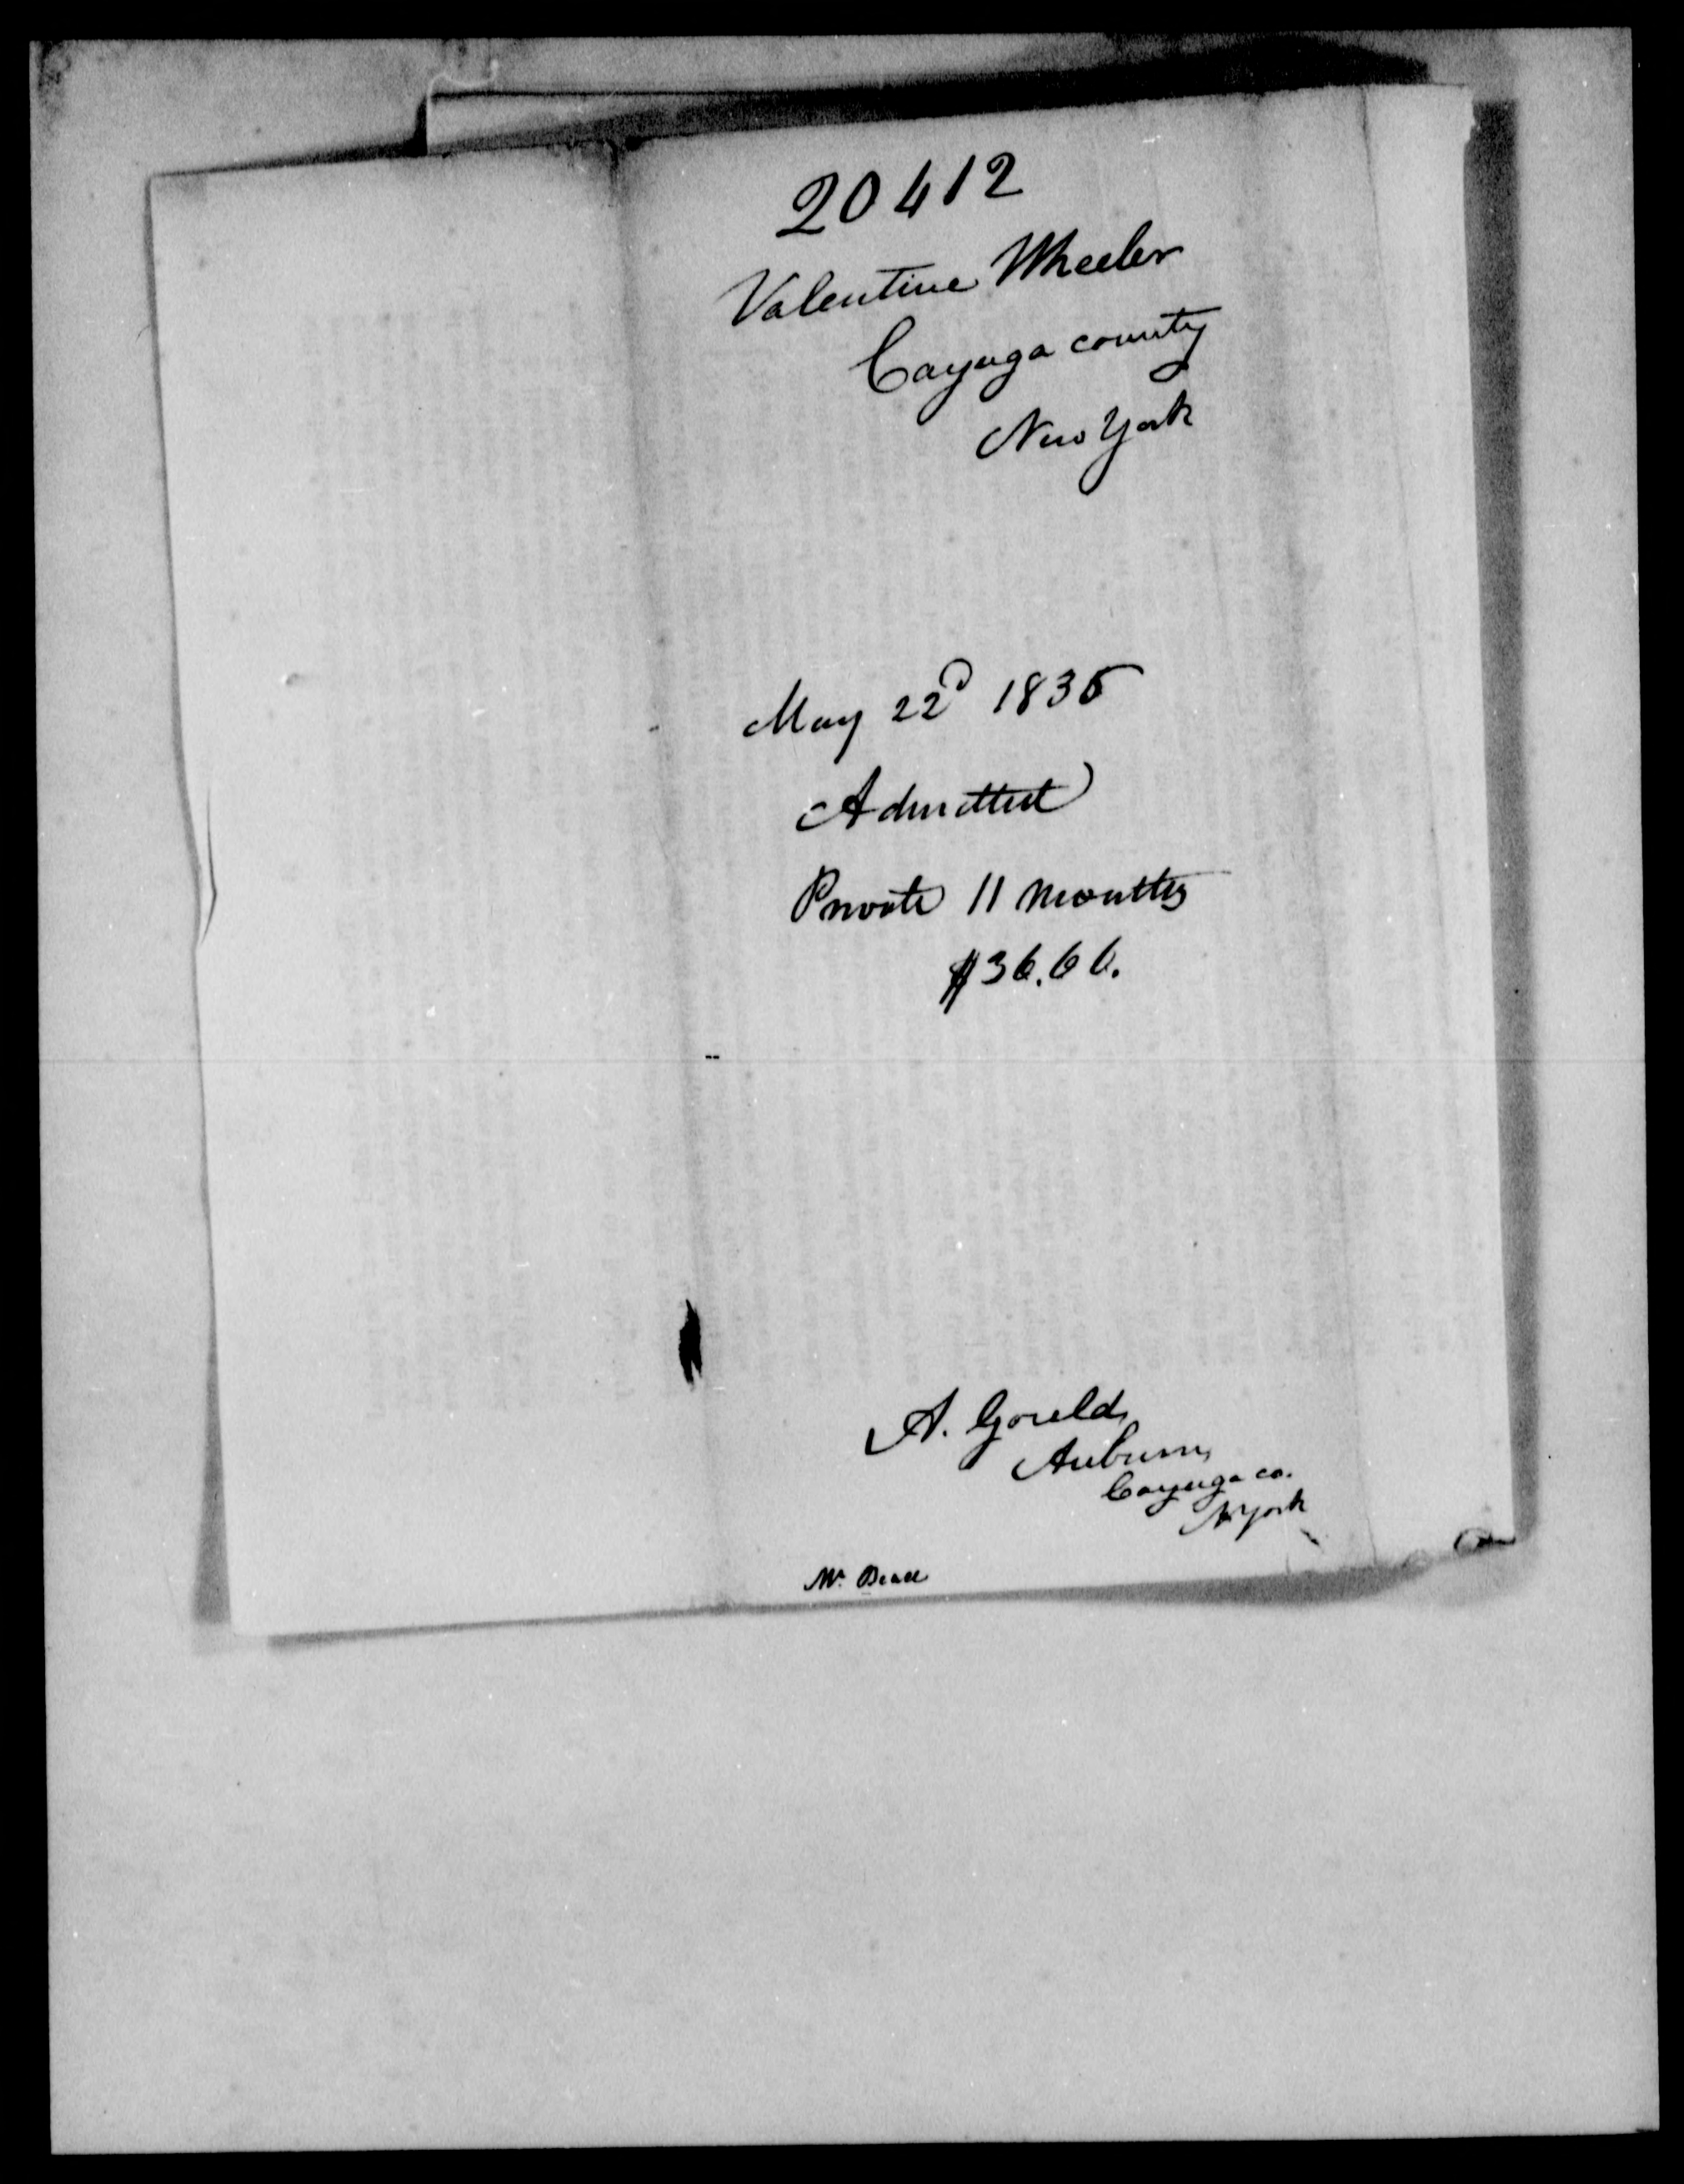20412
Valentine Wheeler
Cayuga County
New York
May 22d 1835
Admitted
Private 11 months.
$36.66

A. Gould
Auburn
Cayuga Co. 
N. York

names: Valentine Wheeler, A Gould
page: 25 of 98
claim: widow's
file: W. 1682, Valentine Wheeler, Mass.